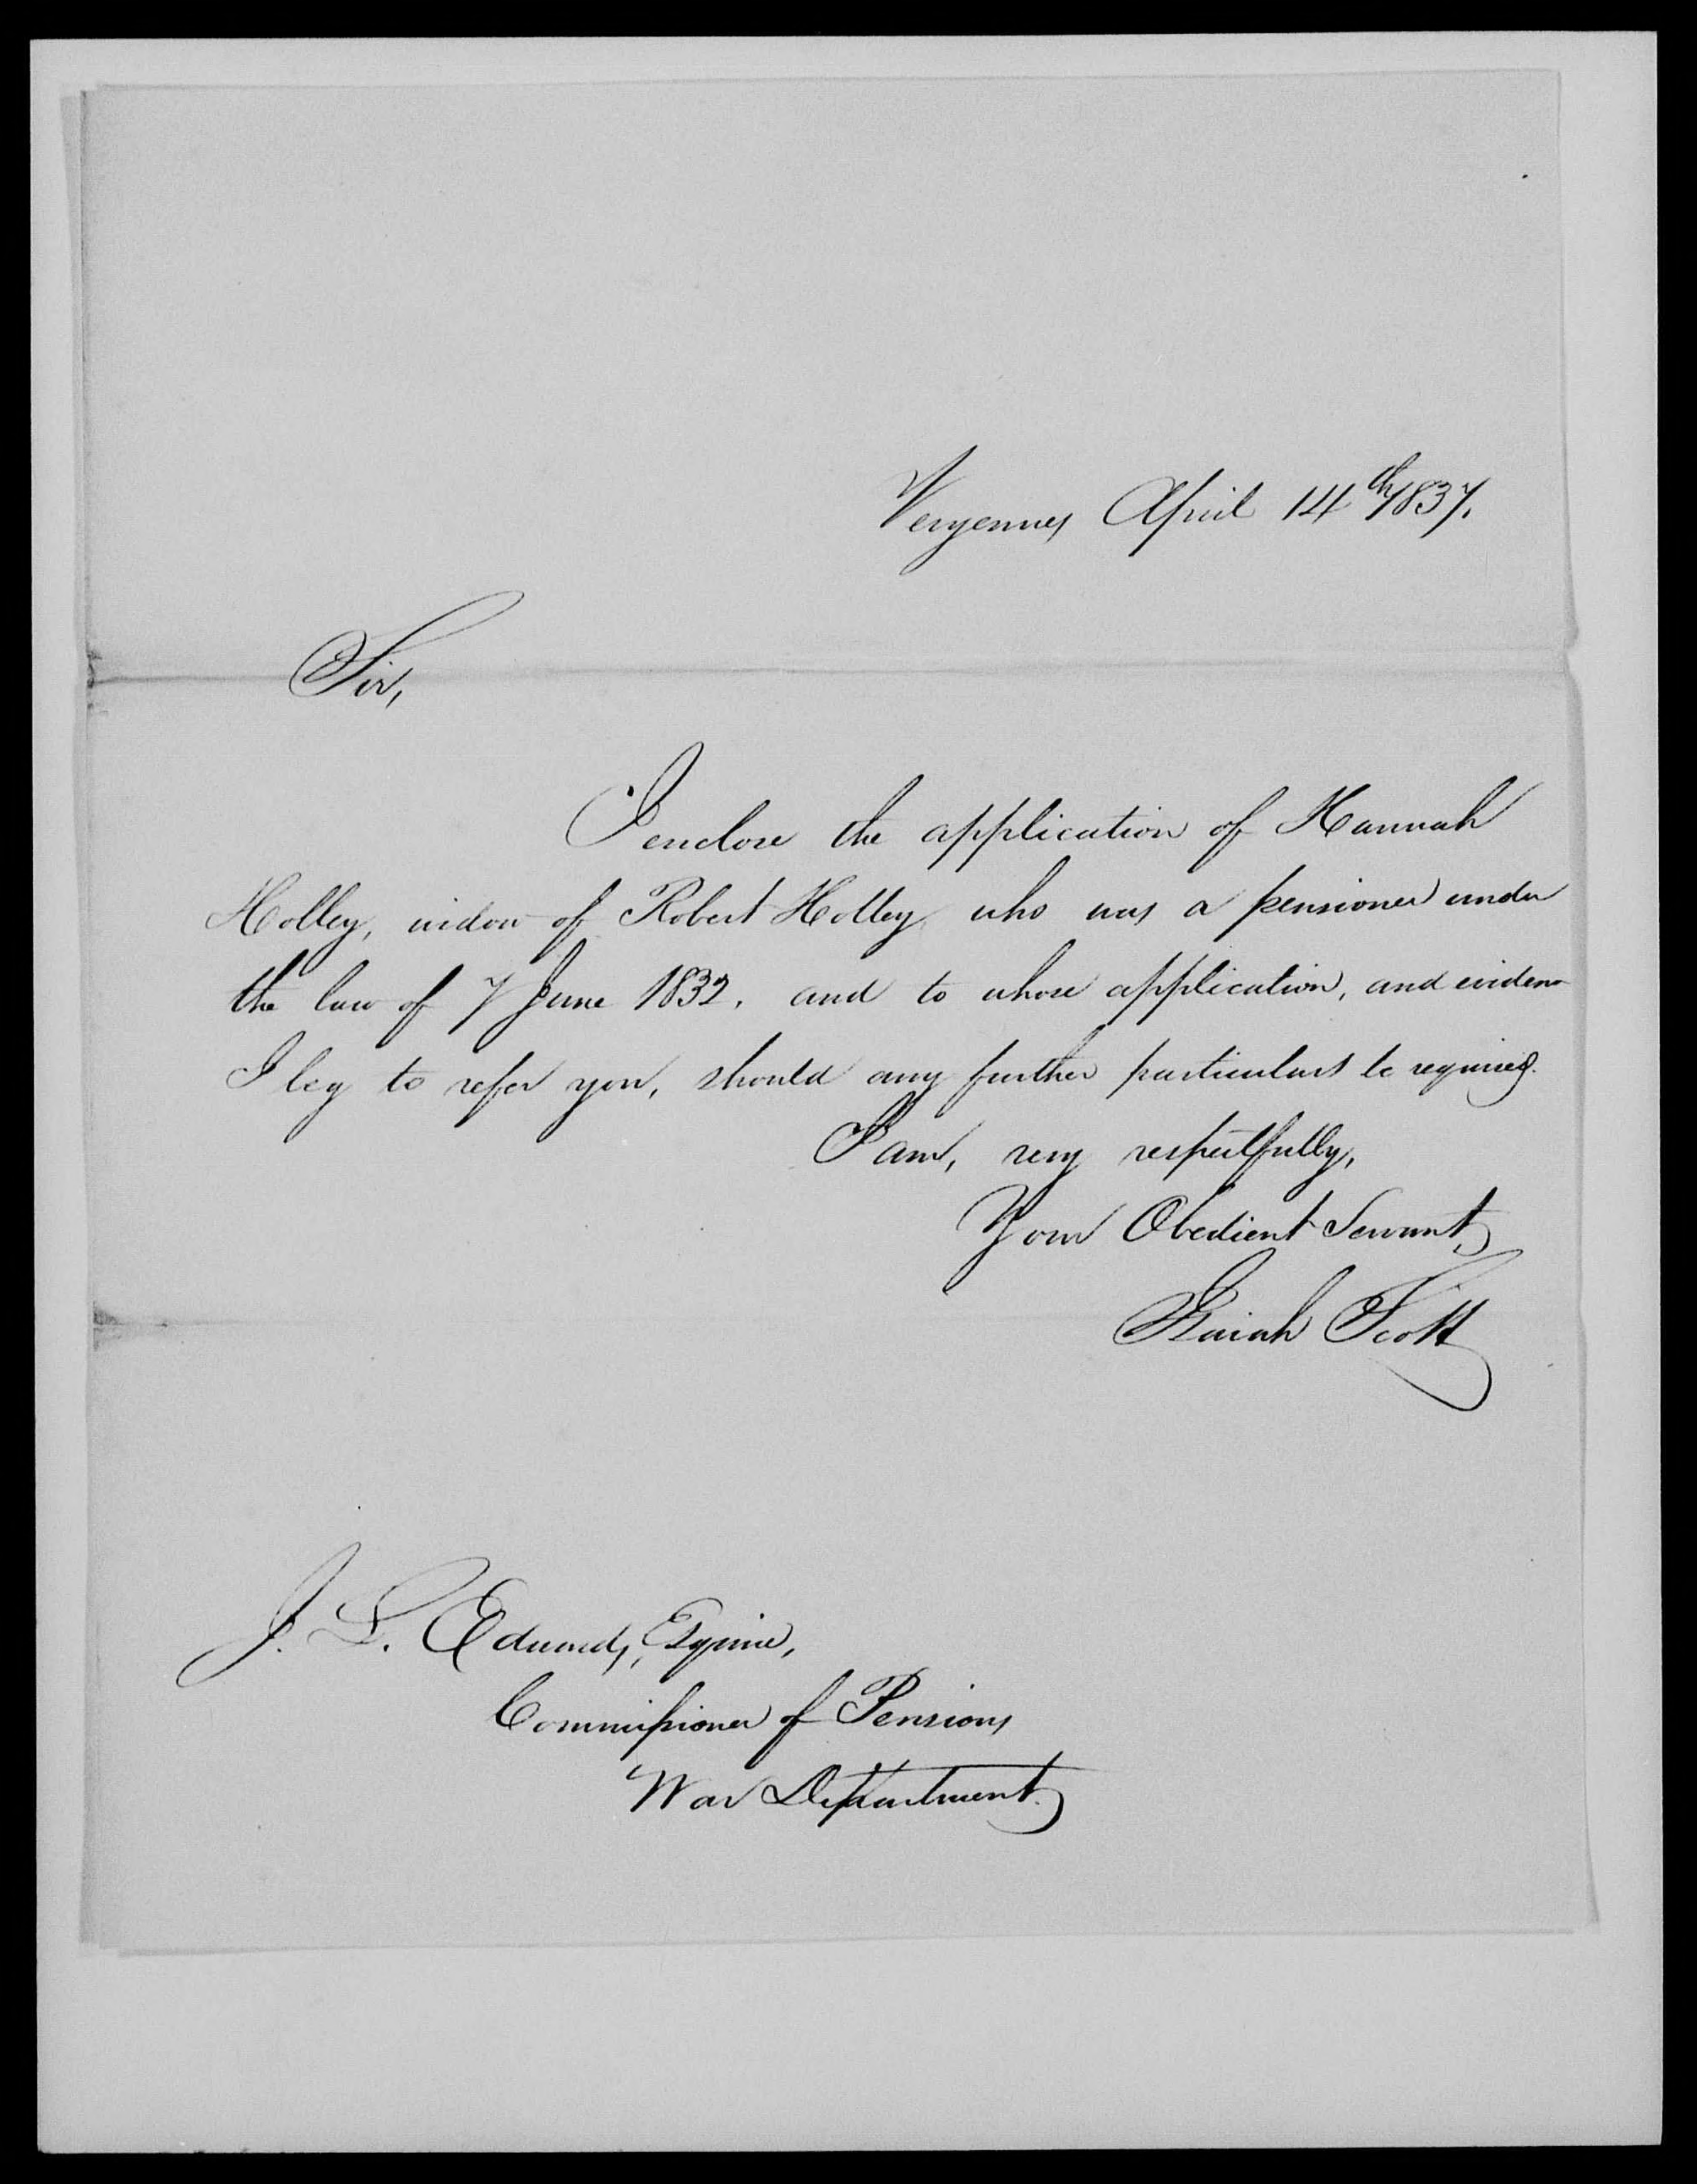Vergennes April 14th 1837
Sir, I enclose the application of Hannah Holley, widow of Robert Holley who was a pensioner under the law of 7 June 1832, and to whose application, and evidence I beg to refer you, should any further particulars be required.
I am, very respectfully, Your Obedient Servant, Isaiah Scott
J.S.Edwards, Esquire,
Commissioner of Pensions
War Department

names: Isaiah Scott, Hannah Holley, Robert Holley, J L Edwards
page: 36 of 62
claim: widow's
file: W. 21391, Robert Holley, Conn.